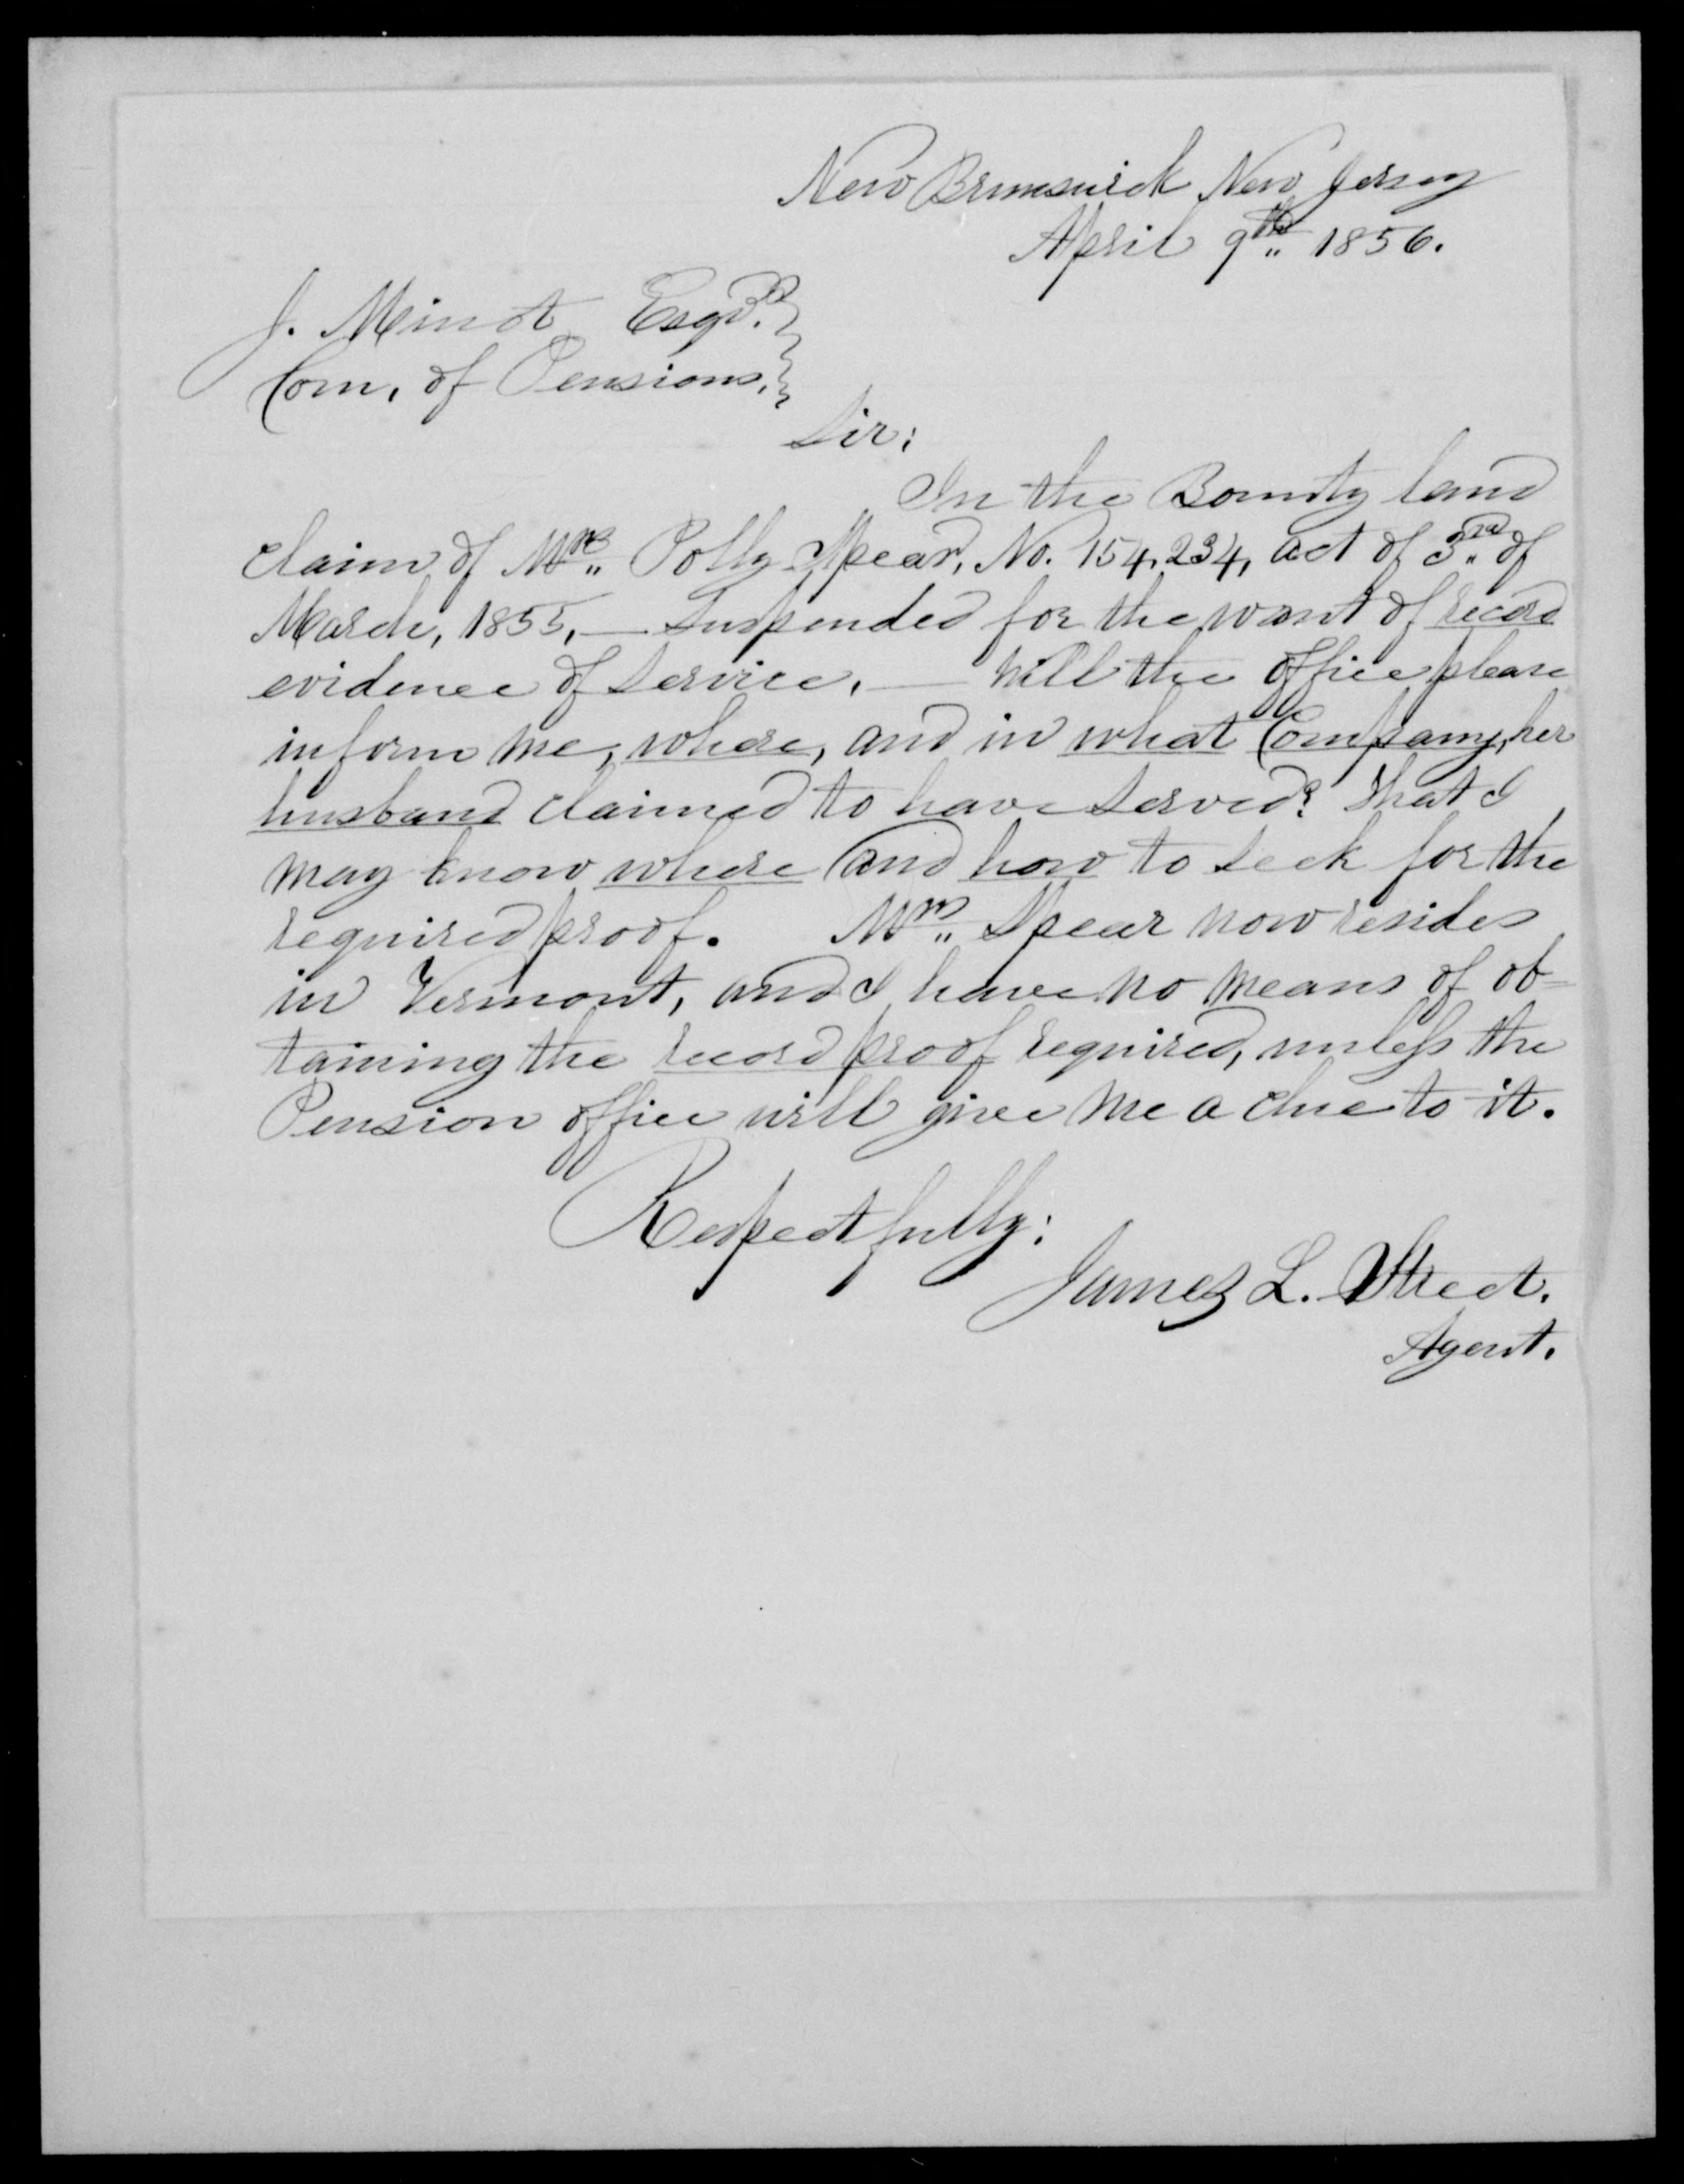New Brunswick New Jersey
April 9th 1856
J. Minot Esqr
Com of Pensions}
Sir:
In the Bounty land
claim of Mrs Polly Spear, No. 154.234, act of 3d of
March, 1855. Suspended for the want of record
evidence of service, will the office please
inform me, where, and in what Company her
husband claimed to have served. That I
may know where and how to seek for the
required proof.
Mrs Spear now resides
in Vermont, and I have no means of obtaining the record proof required, unless the
Pension office will give me a clue to it.
Respectfully
James L. Street
Agent,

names: James L Street; Polly Spear; J Minot; [BLANK] Spear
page: 24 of 65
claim: widow's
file: W. 7197, for Jonathan Spear, Vermont